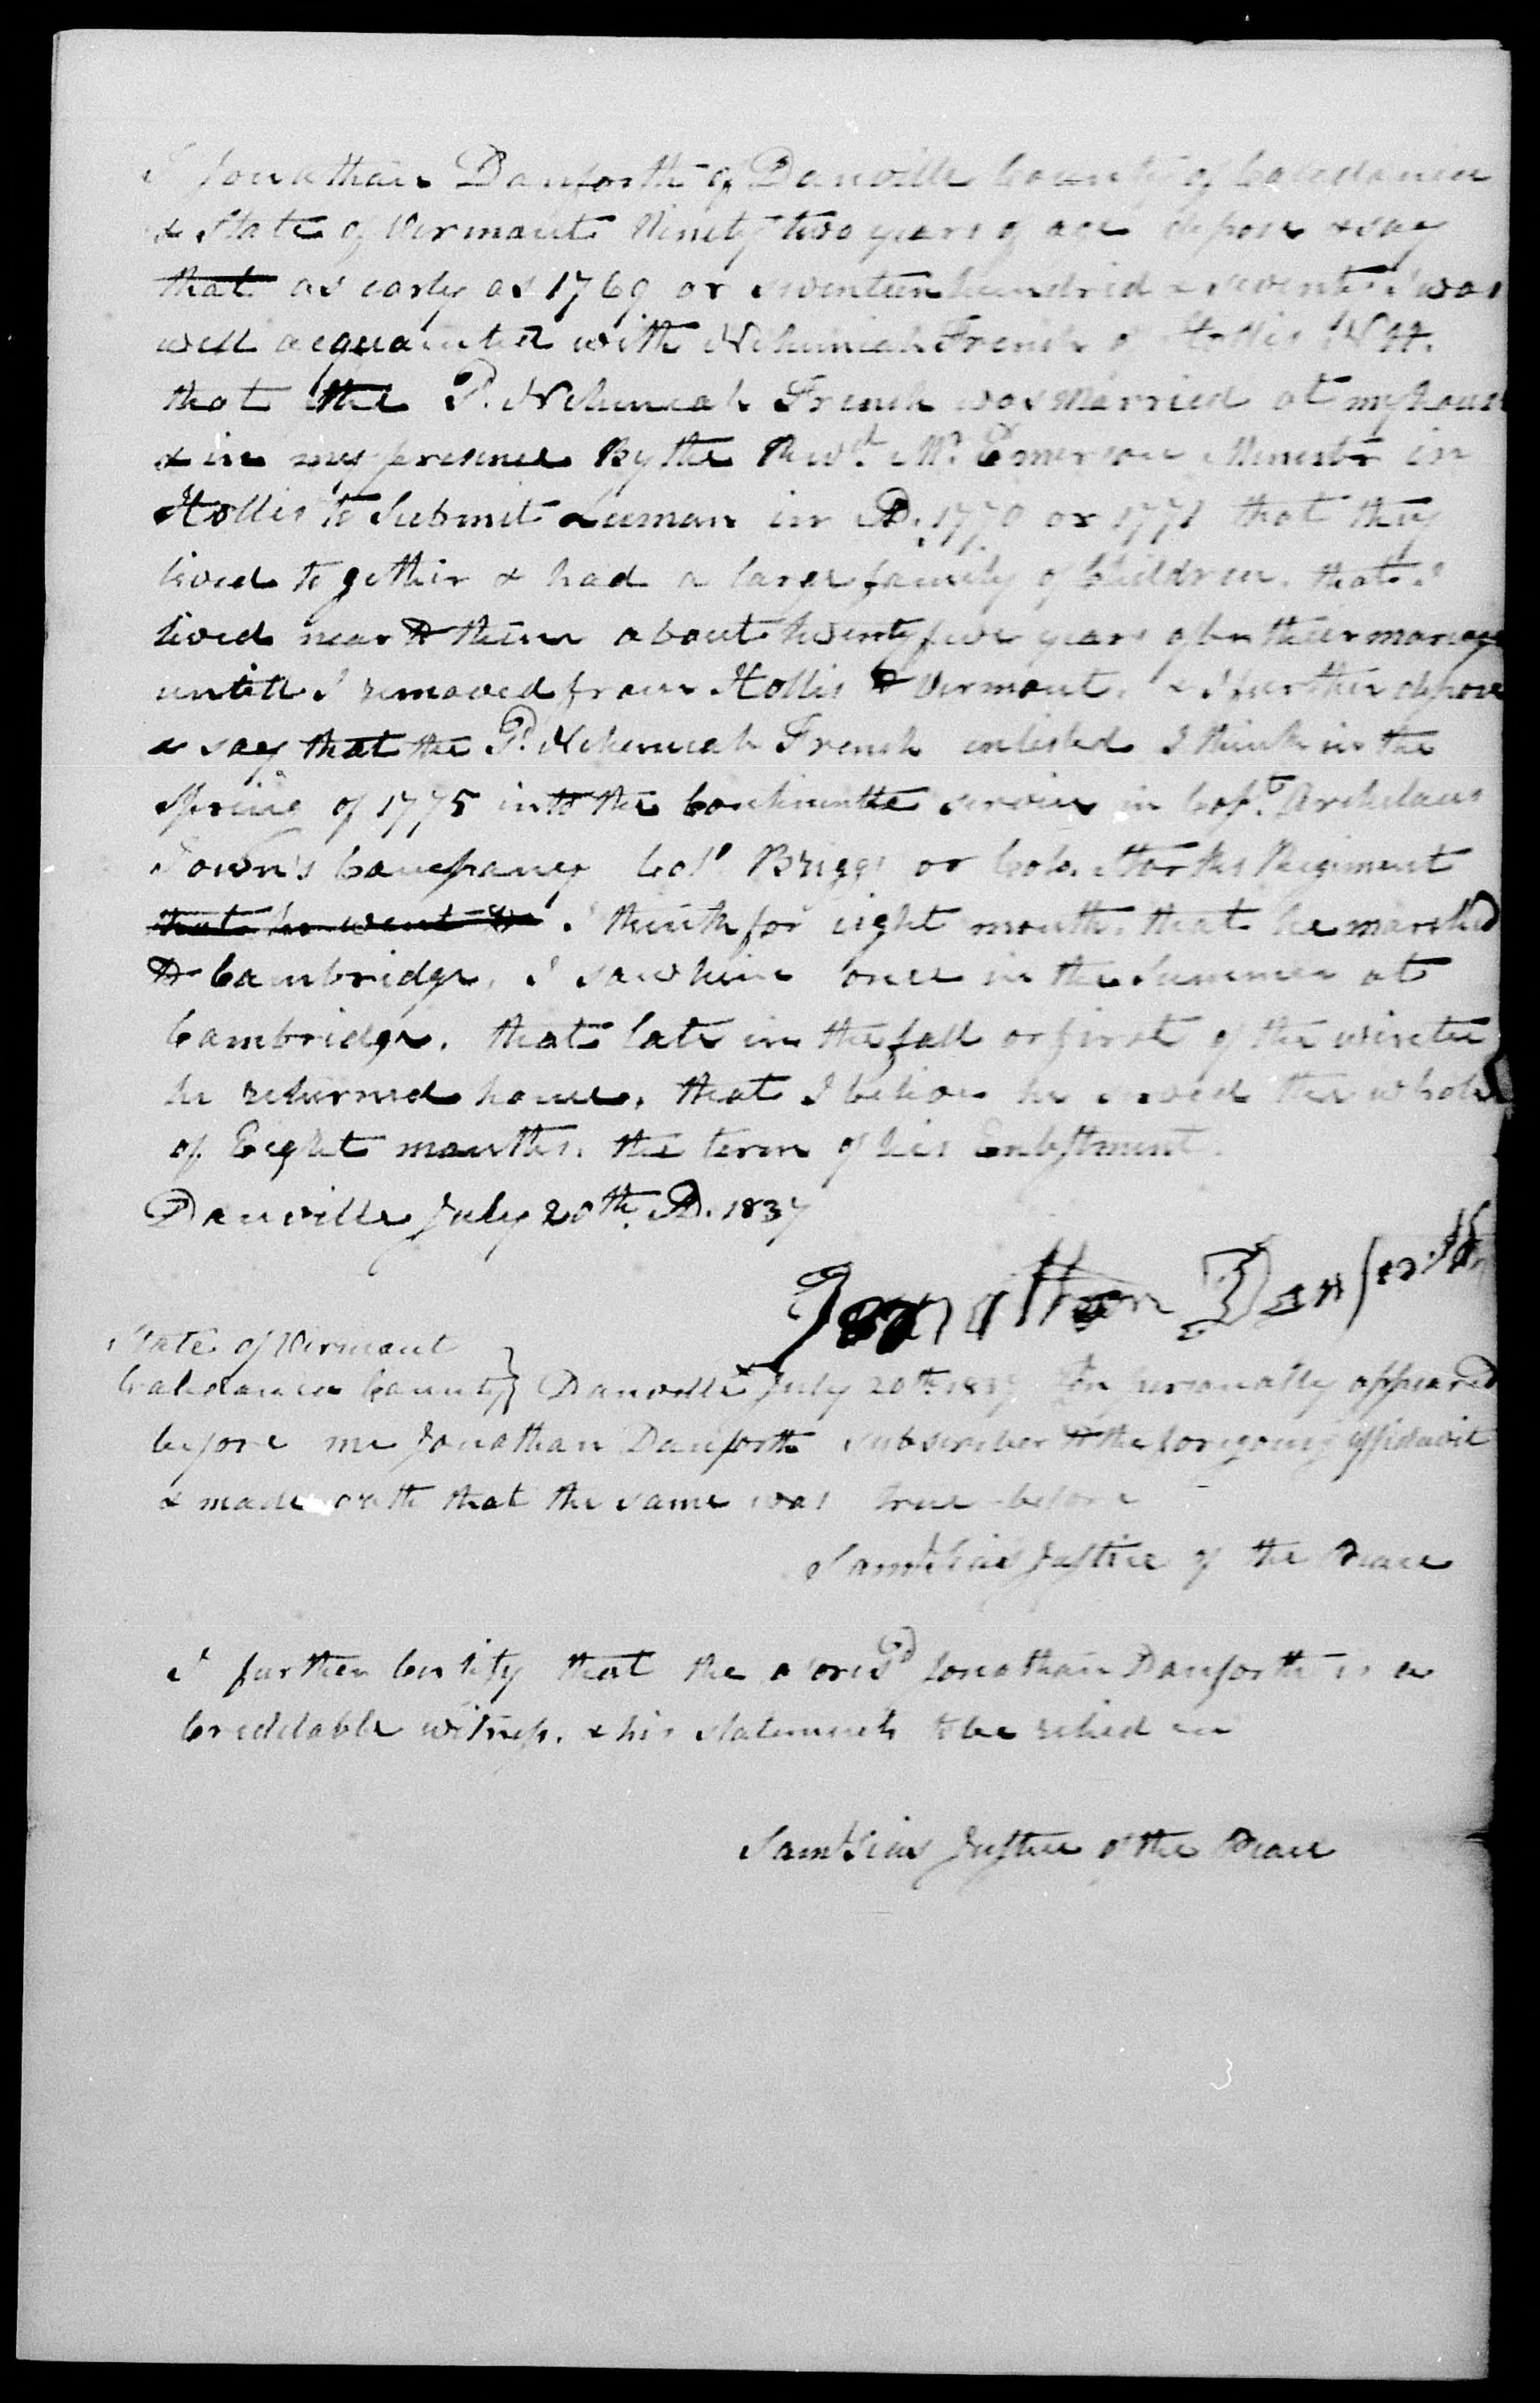I Jonathan Danforth of Danville County of Caledonia & State of Vermont Ninety two years of age depose & say that as early as 1769 or seventeen hundred & seventy I was well acquainted with Nehemiah French of Hollis N.H.  that the s'd Nehemiah French was married at my house & in my presence by the Rev'd Mr Emerson, Minister in hollis to Submit Luman in AD 1770 or 1771  that they lived together & had a large family of children.  that I lived near to them about twenty five years after their marriage until I removed from Hollis to Vermont.  I further depose & say that the s'd Nehemiah French enlisted I think in the Spring of 1775 into the Continental service in Capt Archilaus Town's Company Colo Briggs or Colo Starks Regiment ["that he went to" stricken out]  I think for eight months.  that he marched to Cambridge  I saw him once in the Summer at ambridge.  that late in the fall or first of the winter he returned home.  that I believe he served the whole of Eight months the term of his Enliftment
Danville  July 20th AD 1837
Jonathan Danforth

State of Vermont    )  Danville
Caledonia County  )   July 20th 1837

Then personally appeared before me Jonathan Danforth subscriber to the foregoing affidavit & made oath that the same was true
before 
Sam'l Sias   Justice of the Peace

I further Certify that the afores'd Jonathan Danforth is a Creditable witnefs & his statements to be relied on
Sam'l Sias   Justice of the Peace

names: Jonathan Danforth, Saml Sias, Emerson, Nehemiah French, Nehemiah French, Submit Luman, Saml Sias, Jonathan Danforth, Nehemiah French, Jonathan Danforth, Jonathan Danforth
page: 8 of 18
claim: widow's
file: W. 21,147, Nehemiah French, Mass. Or N.H.